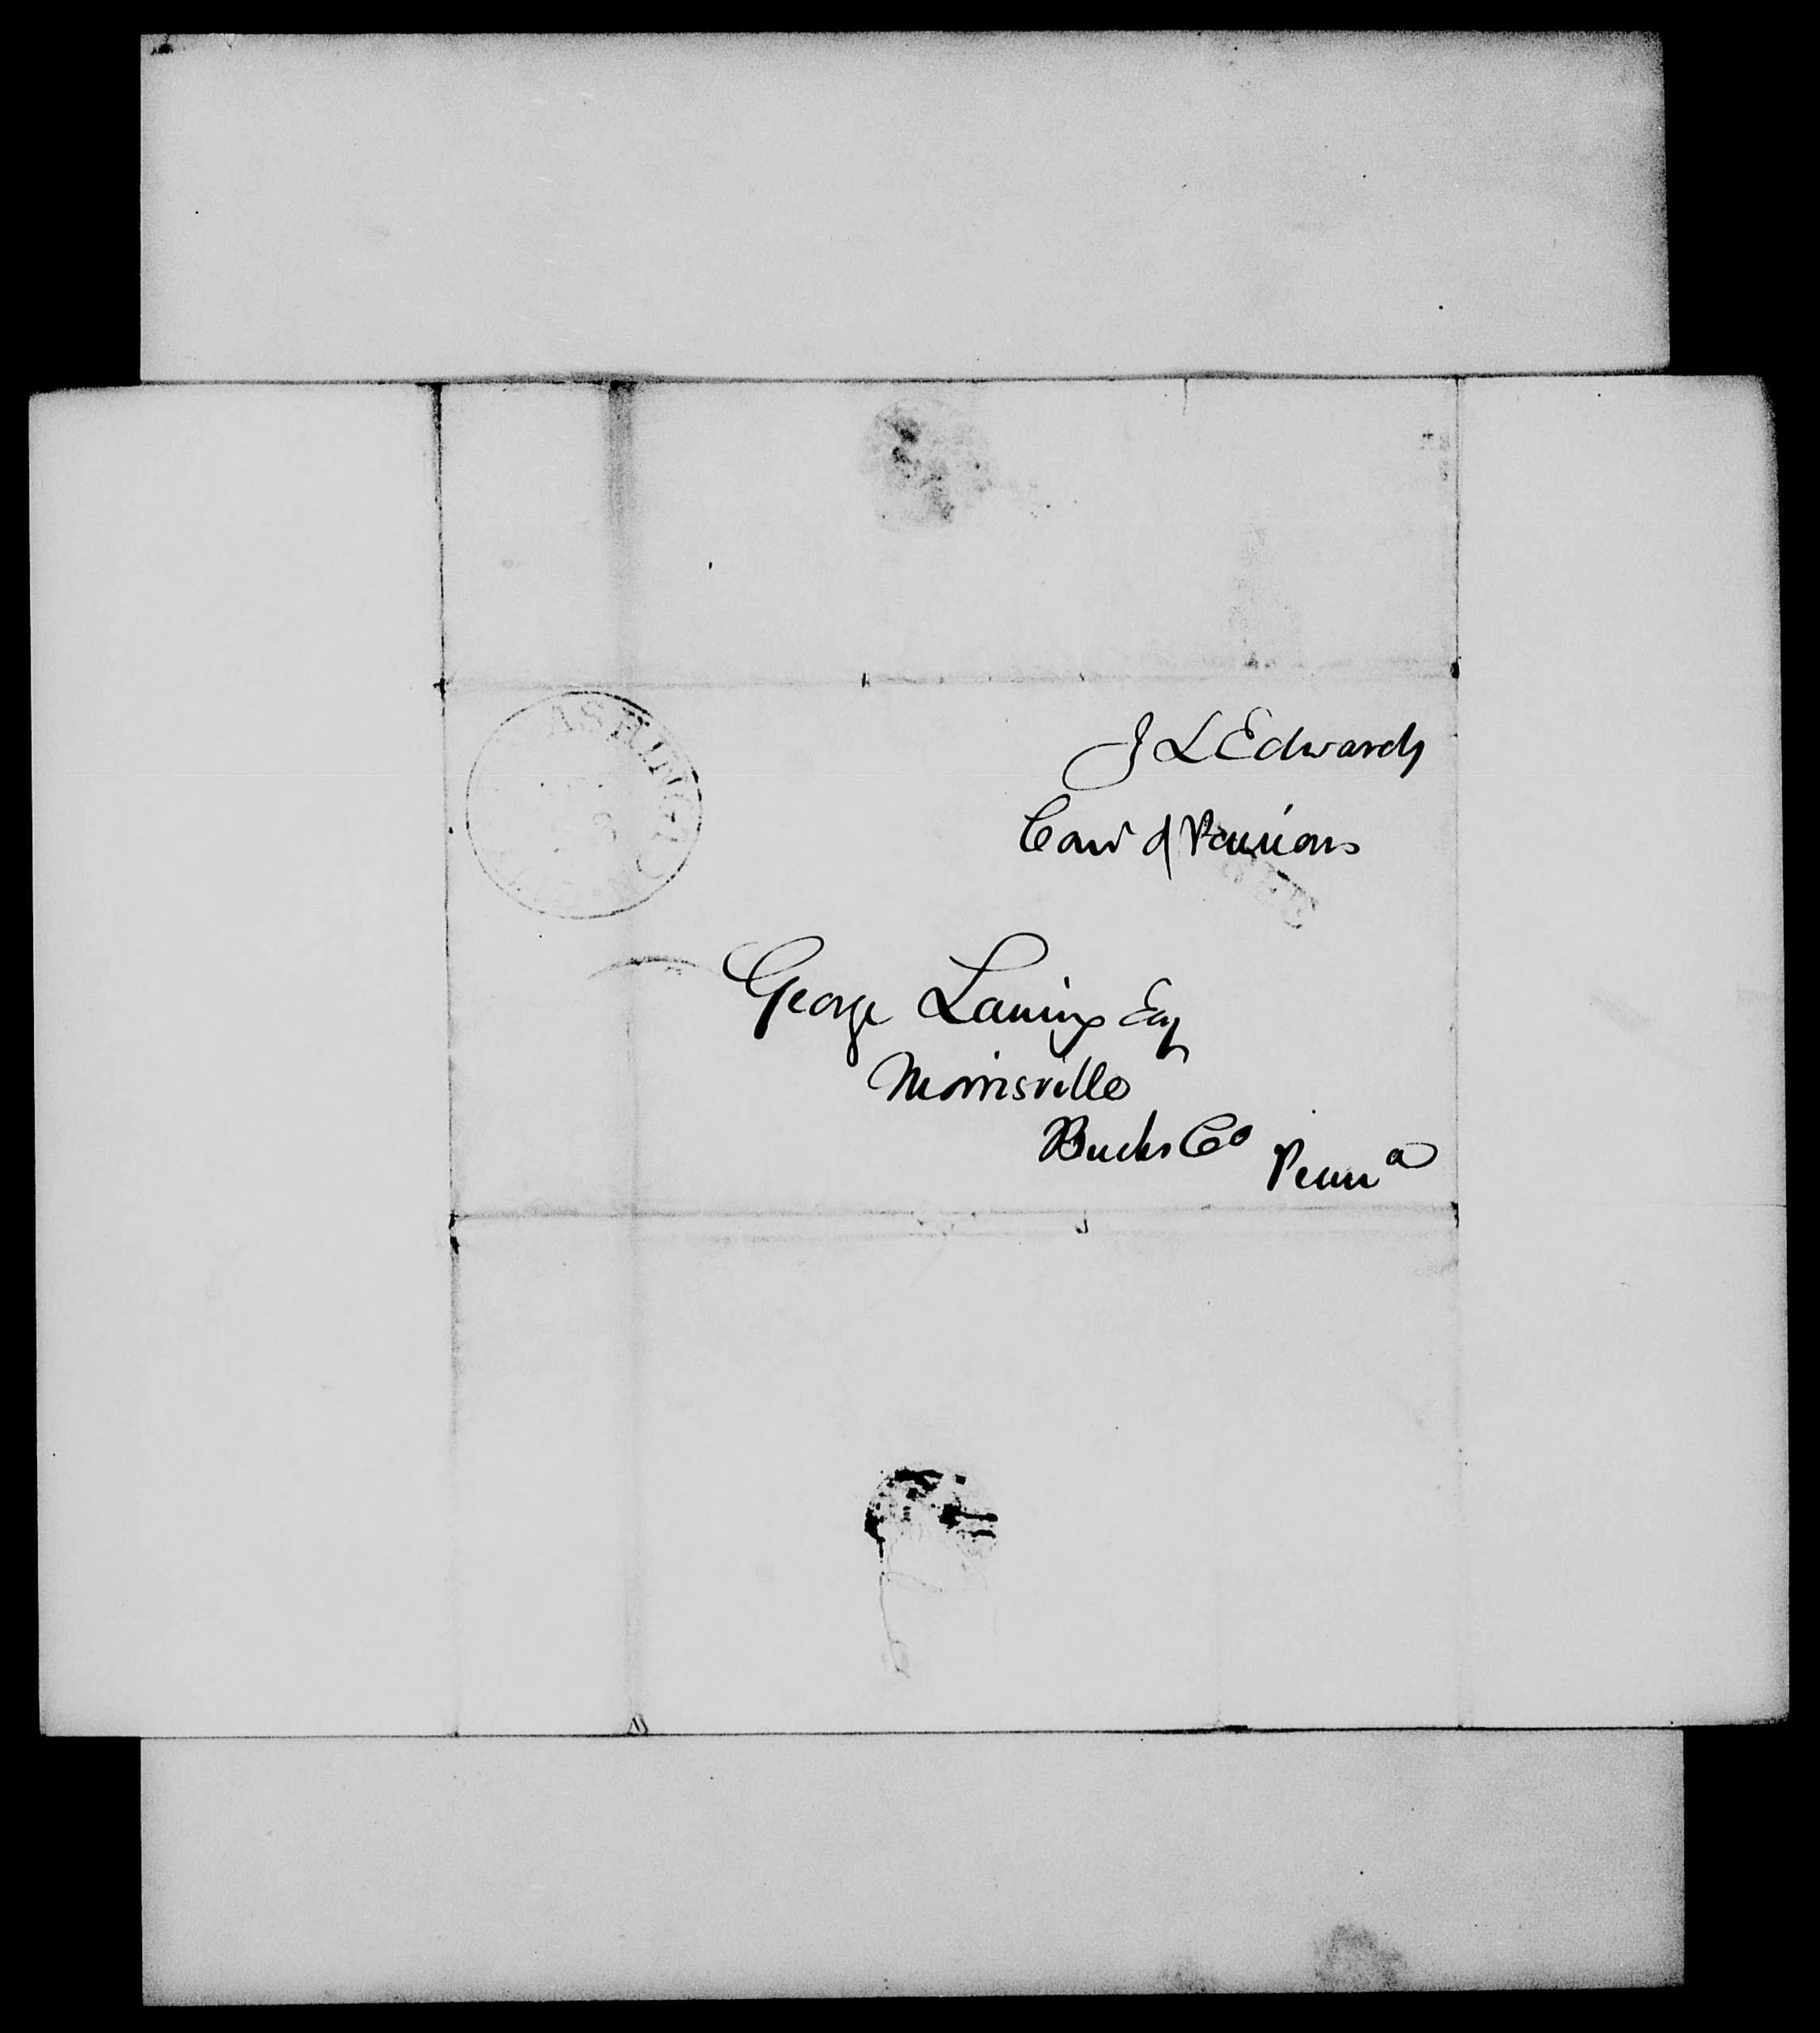J L Edwards
Com of Pensions

George Laning Esqr
Morrisville
Bucks Co
Penna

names: J L Edwards; George Laning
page: 21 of 39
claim: rejected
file: R. 6154, for James Laning, New Jersey